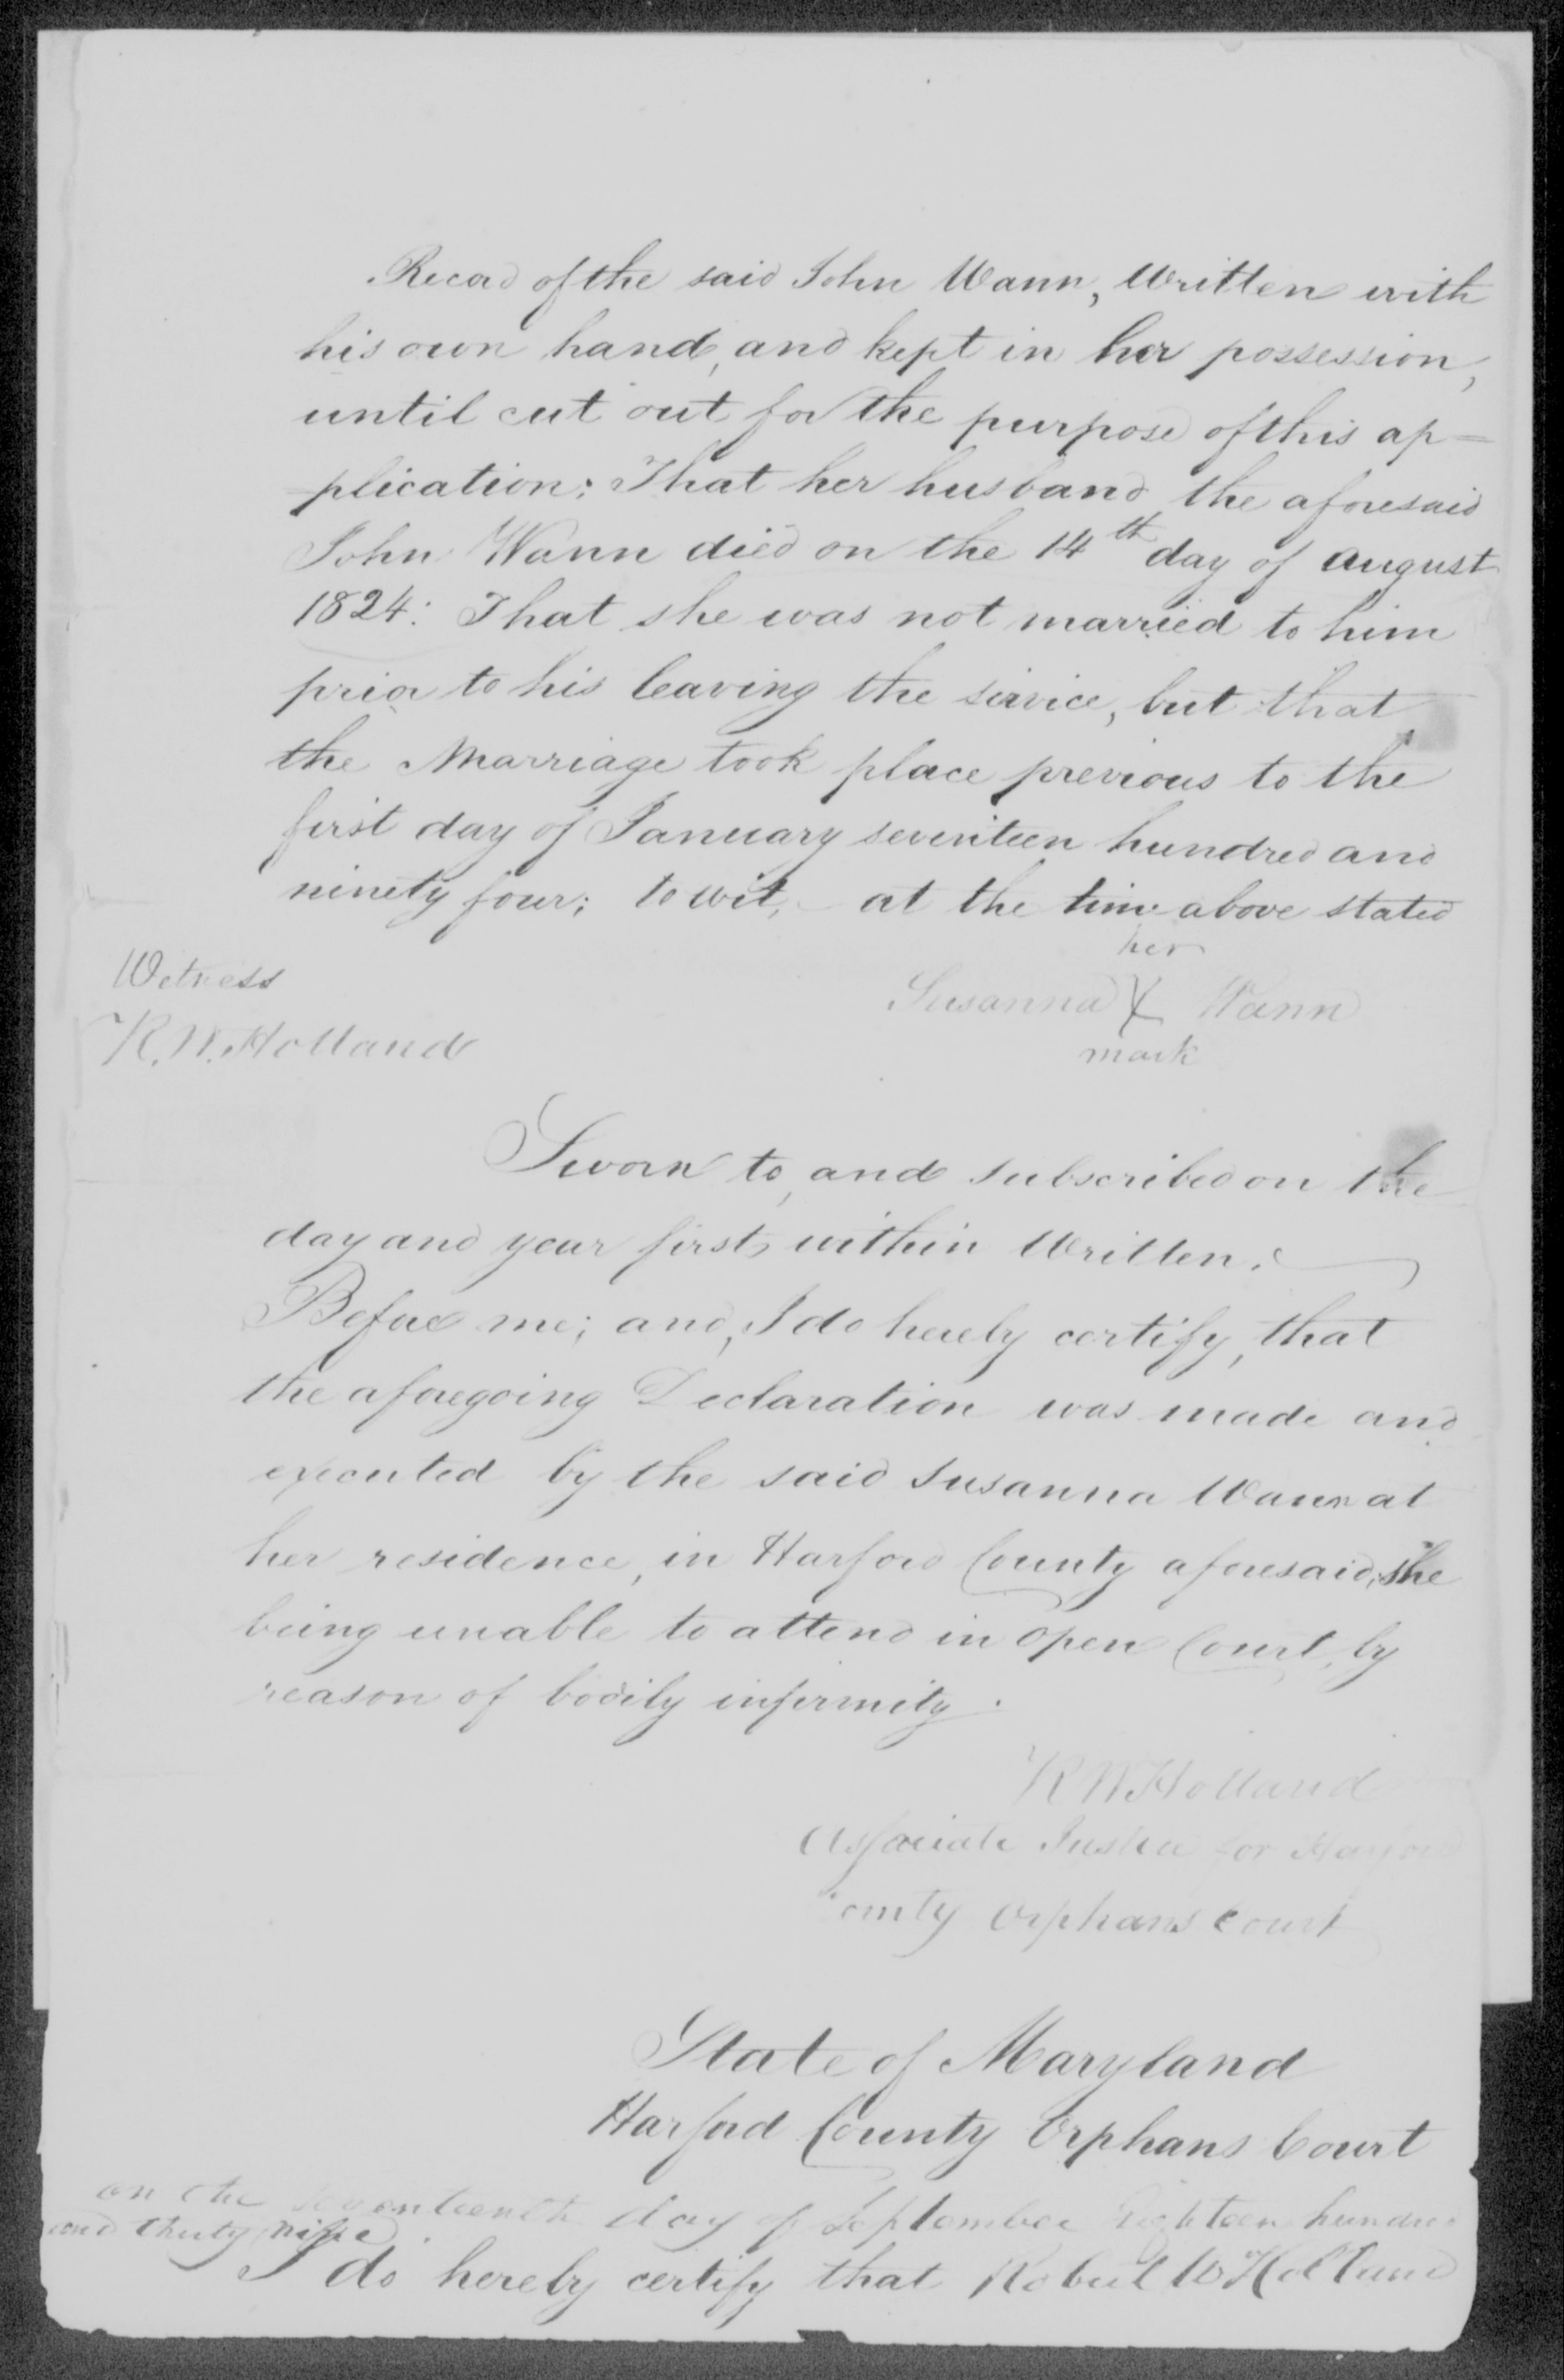Record of the said John Wann, Written with his own hand and kept in her possession
until cut out for the purpose of this application; That her husband the aforesaid John Wann died on the 14th day of August 1824: That she was not married to him prior to his leaving the service, but that the marriage took place previous to the first day of January Seventeen hundred and ninety four; to wit, at the time above stated
her
Susanna X Wann
Mark
Witness
R. H. Holland

Sworn to and subscribed on the day and year first within written. ~ Before me; and I do hereby certify, that the aforegoing [foregoing] declaration was made and executed by the said Susanna Wann at her residence in Harford County aforesaid she being unable to attend in open Court by reason of bodily infirmity
R W Holland
Associate Justice for Harford County Orphans Court

State of Maryland
Harford County Orphans Court
on the Seventeenth day of September Eighteen hundred and thirty nine. 
I do hereby certify that Robert W Holland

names: R H Holland, Susanna Wann, John Wann, Susanna Wann, R H Holland, Robert H Holland, John Wann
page: 10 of 38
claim: widow's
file: W. 3899, John Wann, Penn.